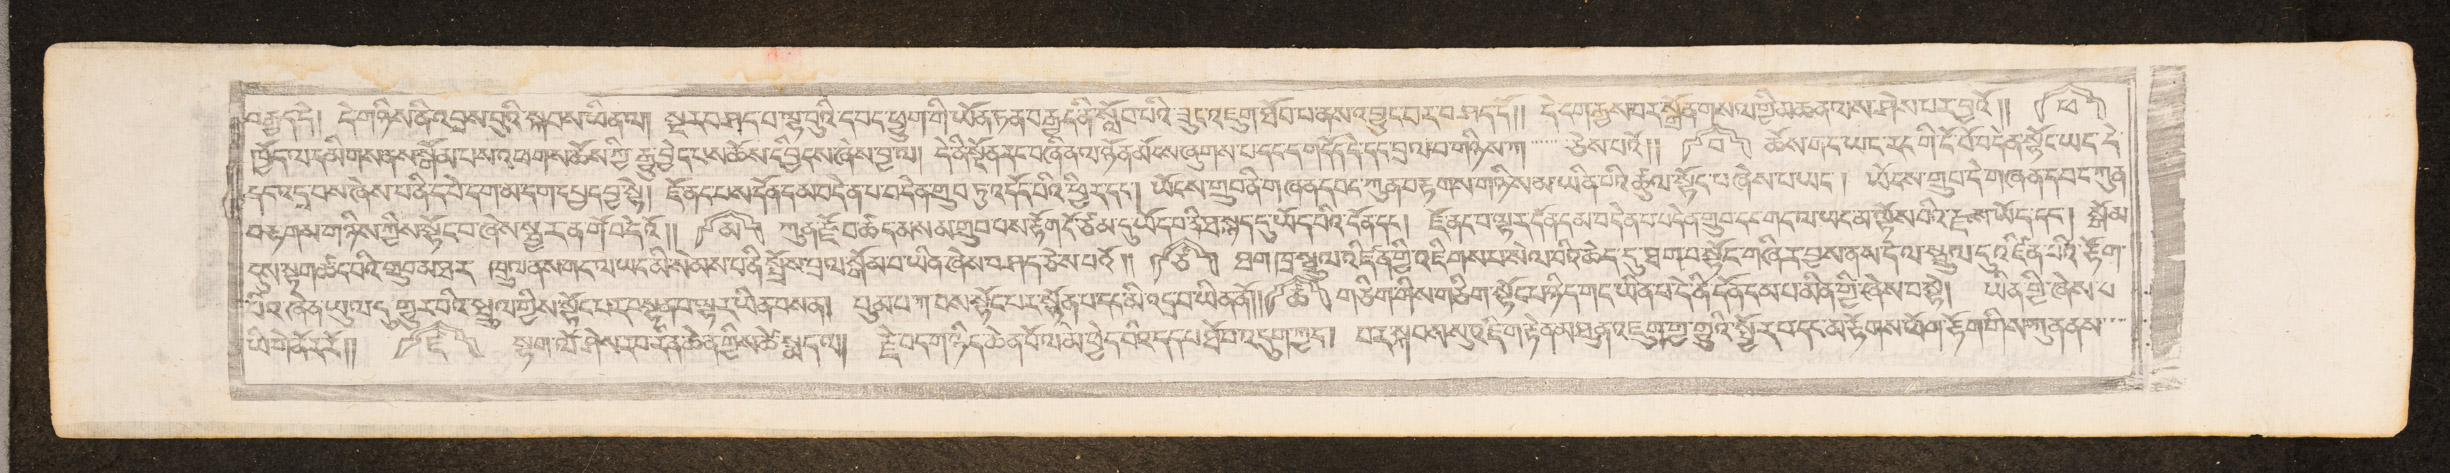བརྒྱད་དེ། དེ་གཉིས་ནི་འབྲས་བུའི་སྐབས་ཡིན་ལ། སྔར་བཤད་པ་ལྟ་བུའི་དབང་ཕྱུག་གི་ཡོན་ཏན་བརྒྱད་ནི་སློབ་པའི་ཟུང་འཇུག་ཐོབ་པ་ནས་འབྱུང་བར་བཤད་དོ།། དེ་དག་རྒྱས་པར་སྒྲོན་གསལ་གྱི་མཆན་ལས་ཤེས་པར་བྱའོ།། ༼༽ཕ༼༽
ཁྱོད་ལ་དམིགས་ནས་སྒོམ་པས་འཕགས་ཆོས་ཀྱི་རྒྱུ་བྱེད་པས་ཆོས་དབྱིངས་ཞེས་བྱ་ལ། དེ་ནི་སྔོན་རང་བཞིན་ལ་ཉོན་མོངས་ཞུགས་པ་དང་དེ་གདོད་དེ་དང་བྲལ་བ་གཉིས་ཀ་ཅེས་པའོ།། ༼༽བ༼༽ ཆོས་གང་ཡང་རང་གི་ངོ་བོ་བདེན་སྟོང་ཡང་དེ་
དང་འདྲ་བས་ཞེས་པ་ནི་དཔེ་དག་མ་དག་དཔྱད་བྱ་སྟེ། ཇོ་ནང་པས་དོན་དམ་བདེན་པ་བདེན་གྲུབ་ཏུ་འདོད་པའི་ཕྱིར་དང་། ཡོངས་གྲུབ་ནི་གཞན་དབང་ཀུན་བརྟགས་གཉིས་མ་ཡིན་པའི་ཚུལ་སྟོང་པ་ཞེས་པ་ཡང་། ཡོངས་གྲུབ་དེ་གཞན་དབང་ཀུན་
བརྟགས་གཉིས་ཀྱིས་སྟོང་པ་ཞེས་སྦྱར་ན་གོ་བདེའོ།། ༼༽མ༼༽ ཀུན་རྫོབ་ཚད་མས་མ་གྲུབ་པས་རྟོག་ངོ་ཙམ་དུ་ཡོད་པ་ནི་ཐ་ཐ་སྙད་དུ་ཡོད་པའི་དོན་དང་། ཇོ་ནང་པ་ལྷཏ་དོན་དམ་བདེན་པ་བདེན་གྲུབ་དང་གང་ལ་ཡང་མ་ལྷོས་པའི་རྫས་ཡོད་དང་། སྒོམ་
དུས་སྟག་ཚང་པའི་གྲུབ་མཐར་ཁྲུལ་ནས་གང་ལ་ཡང་མི་སེམས་པ་ནི་སྤྲོས་བྲལ་སྒོམ་པ་ཡིན་ཞེས་བཤད་ཅེས་པའོ།། ༼༽ཙ༼༽ ཐག་ཁྲ་སྤྲུལ་འཛིན་གྱི་འཇིགས་པ་སེལ་བའི་ཆེད་དུ་ཐག་པ་སྟོང་གཞིར་བྱས་ནས་དེལ་སྦྲུལ་དུ་འཛིན་པའི་རྟོག་
པའི་ཞེན་ཡུལ་དུ་གྱུར་པའི་སྤྲུལ་གྱིས་སྟོང་པར་བསྟན་པ་ལྟར་ཡིན་པས་ན། བུམ་པ་ཀ་བས་སྟོང་པར་སྟོན་པ་དང་མི་འདྲ་བ་ཡིན་ནོ།། ༼༽ཚ༼༽ གཅིག་གིས་གཅིག་སྟོང་པ་ཉིད་གང་ཡིན་པ་དེ་ནི་དོན་དམ་པ་མིན་གྱི་ཞེས་པ་སྟེ། ཡིན་གྱི་ཞེས་པ་
ཡི་གེ་ནོར་རོ།། ༼༽ཛ༼༽ སྟག་ལོ་ཤེས་རབ་རིན་ཆེན་གྱིས་ཚེ་སྨད་ལ། རྗེ་བདག་ཉིད་ཆེན་པོ་ལ་མི་ཕྱེད་པའི་དད་པ་ཐོབ་འདུག་ཀྱང་། བར་སྐབས་སུ་འཇིག་རྟེན་མཐུན་འཇུག་གྱ་གྱུའི་སྦྱོར་བ་དང་མ་རྟོགས་ལོག་གིས་ཀུན་ནས་